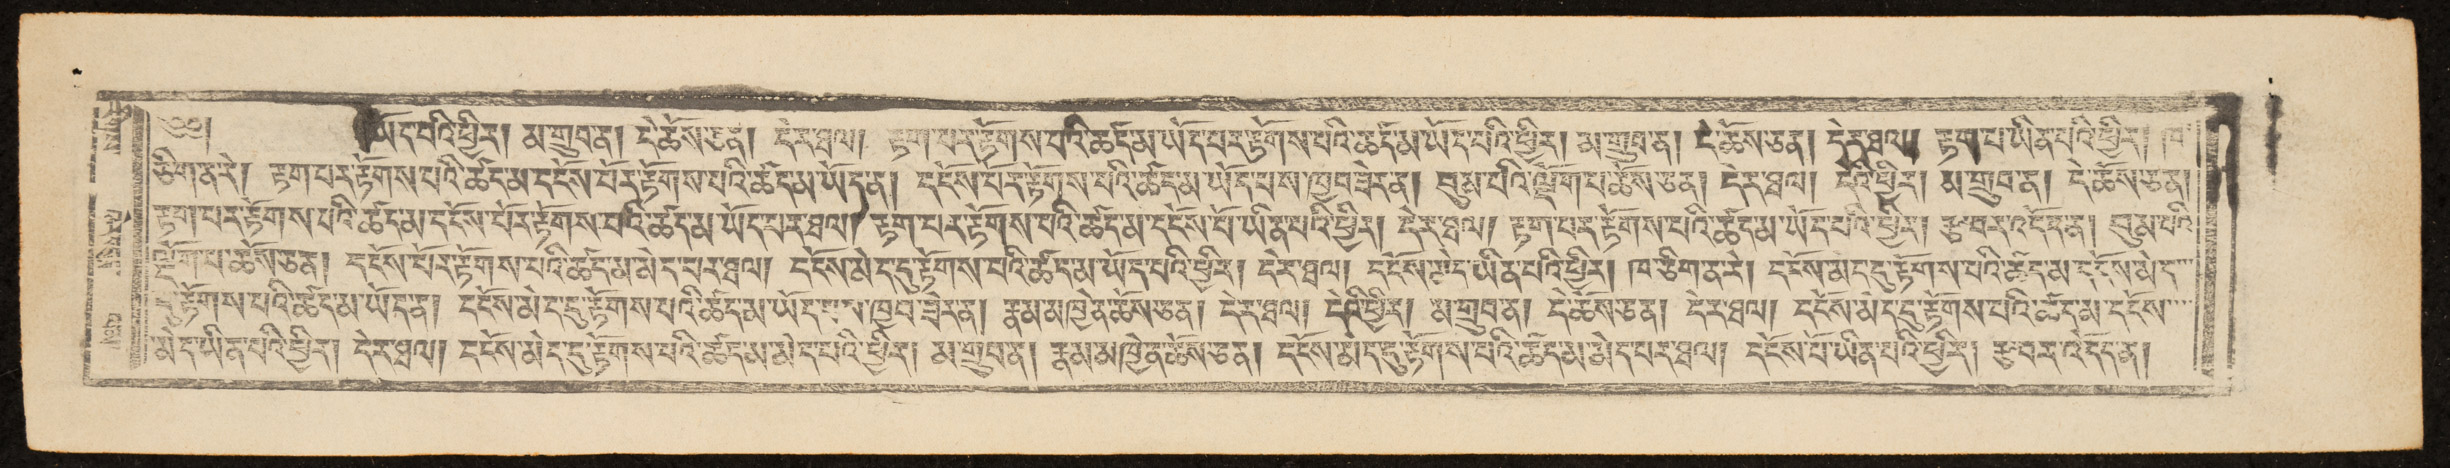༄༅། །ཡོད་པའི་ཕྱིར། མ་གྲུབ་ན། དེ་ཆོས་ཅན། དེར་ཐལ། རྟག་པར་རྟོགས་པའི་ཚད་མ་ཡོད་པར་རྟོགས་པའི་ཚད་མ་ཡོད་པའི་ཕྱིར། མ་གྲུབ་ན། དེ་ཆོས་ཅན། དེར་ཐལ། རྟག་པ་ཡིན་པའི་ཕྱིར། ཁ་
ཅིག་ན་རེ། རྟག་པར་རྟོགས་པའི་ཚད་མ་དངོས་པོར་རྟོགས་པའི་ཚད་མ་ཡོད་ན། དངོས་པོར་རྟོགས་པའི་ཚད་མ་ཡོད་པས་ཁྱབ་ཟེར་ན། བུམ་པའི་ལྡོག་པ་ཆོས་ཅན། དེར་ཐལ། དེའི་ཕྱིར། མ་གྲུབ་ན། དེ་ཆོས་ཅན།
རྟག་པར་རྟོགས་པའི་ཚད་མ་དངོས་པོར་རྟོགས་པའི་ཚད་མ་ཡོད་པར་ཐལ། རྟག་པར་རྟོགས་པའི་ཚད་མ་དངོས་པོ་ཡིན་པའི་ཕྱིར། དེར་ཐལ། རྟག་པར་རྟོགས་པའི་ཚད་མ་ཡོད་པའི་ཕྱིར། རྩ་བར་འདོད་ན། བུམ་པའི་
ལྡོག་པ་ཆོས་ཅན། དངོས་པོར་རྟོགས་པའི་ཚད་མ་མེད་པར་ཐལ། དངོས་མེད་དུ་རྟོགས་པའི་ཚད་མ་ཡོད་པའི་ཕྱིར། དེར་ཐལ། དངོས་མེད་ཡིན་པའི་ཕྱིར། ཁ་ཅིག་ན་རེ། དངོས་མེད་དུ་རྟོགས་པའི་ཚད་མ་དངོས་མེད་
དུ་རྟོགས་པའི་ཚད་མ་ཡོད་ན། དངོས་མེད་དུ་རྟོགས་པའི་ཚད་མ་ཡོད་པས་ཁྱབ་ཟེར་ན། རྣམ་མཁྱེན་ཆོས་ཅན། དེར་ཐལ། དེའི་ཕྱིར། མ་གྲུབ་ན། དེ་ཆོས་ཅན། དེར་ཐལ། དངོས་མེད་དུ་རྟོགས་པའི་ཚད་མ་དངོས་
མེད་ཡིན་པའི་ཕྱིར། དེར་ཐལ། དངོས་མེད་དུ་རྟོགས་པའི་ཚད་མ་མེད་པའི་ཕྱིར། མ་གྲུབ་ན། རྣམ་མཁྱེན་ཆོས་ཅན། དངོས་མེད་དུ་རྟོགས་པའི་ཚད་མ་མེད་པར་ཐལ། དངོས་པོ་ཡིན་པའི་ཕྱིར། རྩ་བར་འདོད་ན།